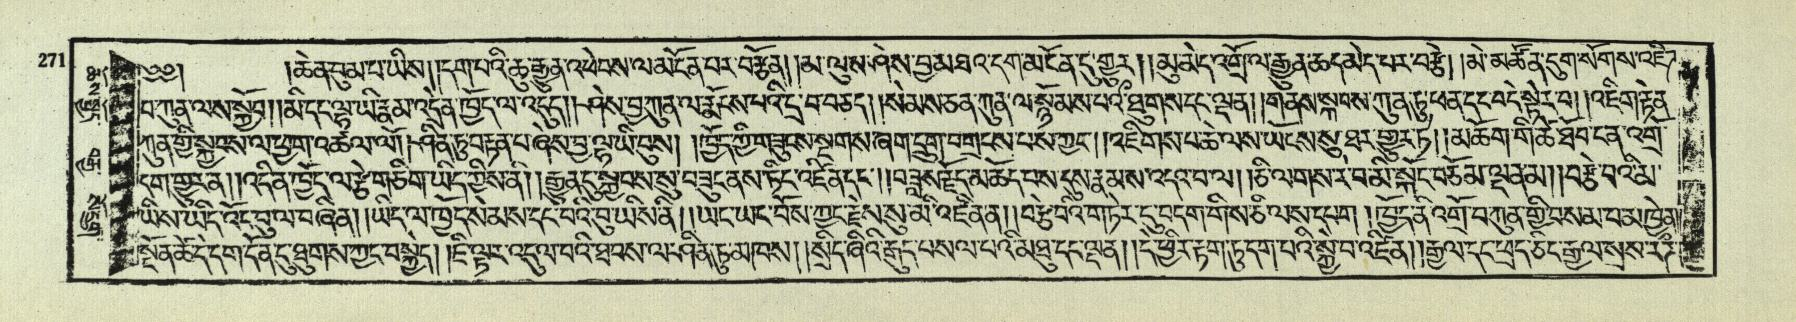༄༅། །ཆེན་བུམ་པ་ཡིས། །དག་པའི་ཆུ་རྒྱུན་འཕེབས་ལ་མངོན་པར་བརྩོན། །མ་ལུས་ཤེས་བྱ་མཐའ་དག་མངོན་དུ་གྱུར། །མུ་མེད་འགྲོ་ལ་རྒྱུན་ཆད་མེད་པར་བརྩེ། །མེ་མཚོན་དུག་སོགས་འཇིཌ་
པ་ཀུན་ལས་སྐྱོབ། །མི་དང་ལྷ་ཡི་རྣམ་འདྲེན་ཁྱོད་ལ་འདུད། །ཤེས་བྱ་ཀུན་ལ་རྨོངས་པའི་དྲ་བ་བཅད། །སེམས་ཅན་ཀུན་ལ་སྙོམས་པཱྀ་ཐུགས་དང་ལྡན། །གནས་སྐབས་ཀུན་ཏུ་ཕན་དང་བདེ་སྟེར་བ། །འཇིག་རྟེན་
ཀུན་གྱི་སྐྱབས་ལ་ཕྱག་འཚལ་ལོ། །ཤིན་ཏུ་བརྟན་པ་ཞེས་བྱ་ལྷ་ཡི་བུས། །ཁྱོད་ཀྱི་གཟུངས་སྔགས་ཞག་དྲུག་བགྲངས་པས་ཀྱང་། །འཇིགས་པ་ཆེ་ལས་ཡོངས་སུ་ཐར་གྱུར་ཏེ། །མཆོག་གི་ཚེ་ཐོབ་ངན་འགྲོ་
དག་གྱུར་ན། །འདི་ན་ཁྱོད་ལ་རྩེ་གཅིག་ཡིད་ཀྱིས་ནི། །རྒྱུན་དུ་སྐྱབས་སུ་བཟུང་ནས་ཏིང་འཛིན་དང་། །བཟླས་རྗོད་མཆོད་པས་དུས་རྣམས་འདའ་བ་ལ། །ཅི་ལགས་རེ་བ་མི་སྐོང་བཅོམ་ལྡན་མ། །བརྩེ་བའི་མ་
ཡིས་ཡིད་འོང་བུ་ལ་བཞིན། །ཡིད་ལ་ཁྱོད་སེམས་དང་བའི་བུ་ཡིས་ནི། །ཡང་ཡང་བོས་ཀྱང་རྗེས་སུ་མི་འཛིན་ན། །བརྩེ་བའི་གཏེར་དུ་བདག་གིས་ཅི་ལས་དཔག །ཁྱོད་ནི་འགྲོ་བ་ཀུན་གྱི་བསམ་པ་མཁྱེན།།
སྔོན་ཚེ་དེ་དག་དོན་དུ་ཐུགས་ཀྱང་བསྐྱེད། །ཇི་ལྟར་འདུལ་བའི་ཐབས་ལ་ཤིན་ཏུ་མཁས། །སྲིད་ཞིའི་རྒུད་བསལ་པའི་མཐུ་དང་ལྡན། །དེ་ཕྱིར་རྟག་ཏུ་དག་པའི་སྐྱེ་བ་འཛིན། །རྒྱལ་དང་ཕྲད་ཅིང་རྒྱལ་སྲས་རྀཌ་